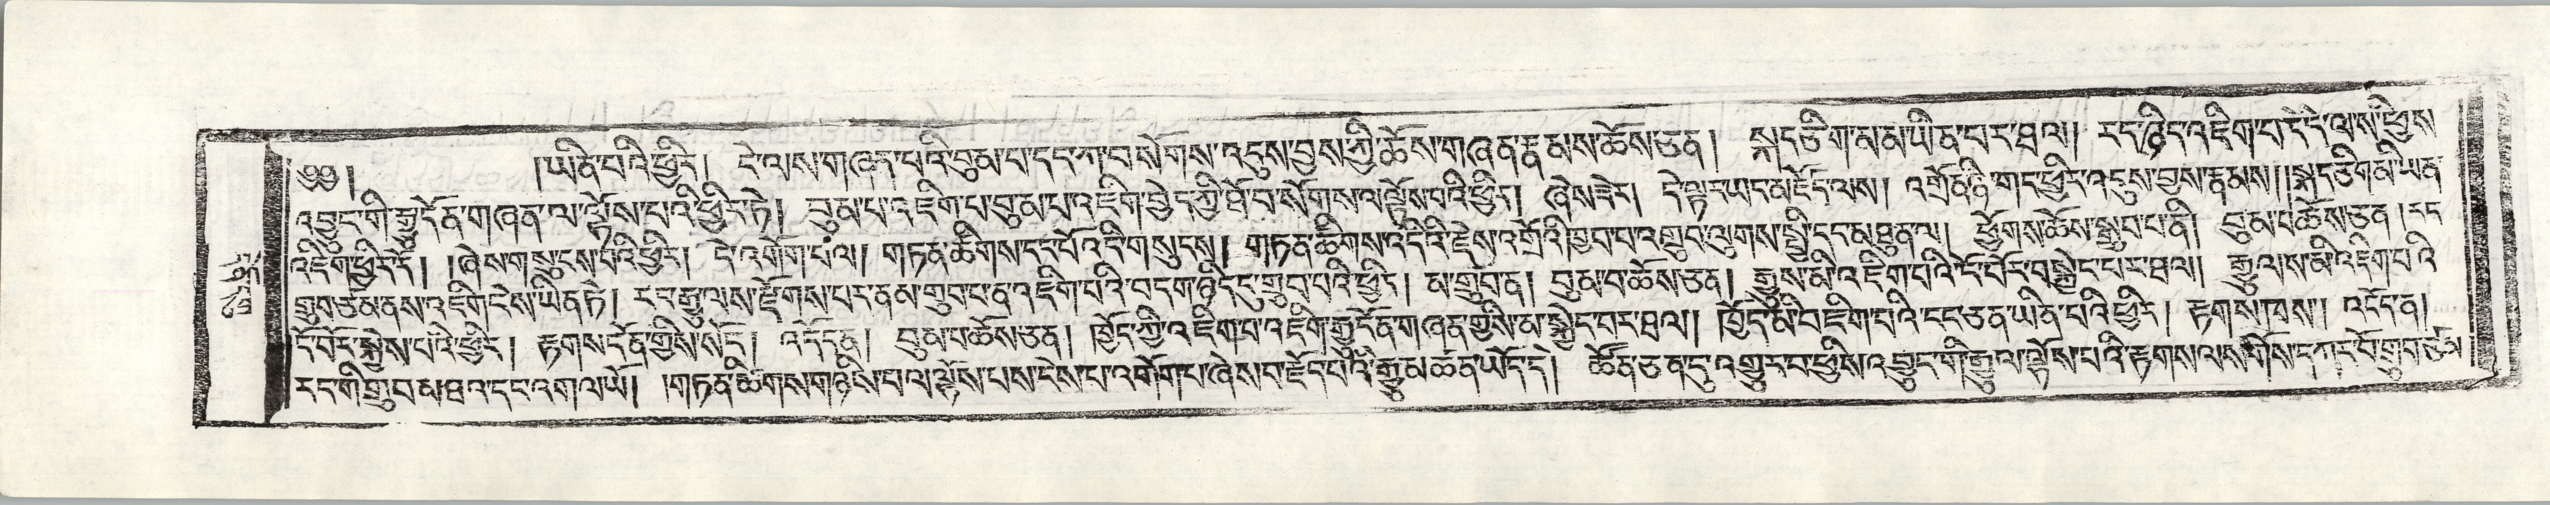༄༅། །ཡིན་པའི་ཕྱིར། དེ་ལས་གཞན་པའི་བུམ་པ་དང་ཀ་བ་སོགས་འདུས་བྱས་ཀྱི་ཆོས་གཞན་རྣམས་ཆོས་ཅན། སྐད་ཅིག་མ་མ་ཡིན་པར་ཐལ། རང་ཉིད་འཇིག་པ་དེ་དེ་ལས་ཕྱིས་
འབྱུང་གི་རྒྱུ་དོན་གཞན་ལ་ལྟོས་པའི་ཕྱིར་ཏེ། བུམ་པ་འཇིག་པ་བུམ་པ་འཇིག་བྱེད་ཀྱི་ཐོ་བ་སོགས་ལ་ལྟོས་པའི་ཕྱིར། ཞེས་ཟེར། དེ་ལྟར་ཡང་མཛོད་ལས། འགྲོ་མིན་གང་ཕྱིར་འདུས་བྱས་རྣམས། །སྐད་ཅིག་མ་ཡིན་
འཇིག་ཕྱིར་རོ། །ཞེས་གསུངས་པའི་ཕྱིར། དེ་འགོག་པ་ལ། གཏན་ཚིགས་དང་པོ་འདི་གསུངས། གཏན་ཚིགས་འདིའི་རྗེས་འགྲོའི་ཁྱབ་པ་འགྲུབ་ལུགས་སྤྱི་དང་མཐུན་ལ། ཕྱོགས་ཆོས་སྒྲུབ་པ་ནི། བུམ་པ་ཆོས་ཅན། རང་
གྲུབ་ཙམ་ནས་འཇིག་ངེས་ཡིན་ཏེ། རང་རྒྱུ་ལས་རྫོགས་པར་ནམ་གྲུབ་པ་ན་འཇིག་པའི་བདག་ཉིད་དུ་གྲུབ་པའི་ཕྱིར། མ་གྲུབ་ན། བུམ་པ་ཆོས་ཅན། རྒྱུས་མི་འཇིག་པའི་ངོ་བོར་བསྐྱེད་པར་ཐལ། རྒྱུ་ལས་མི་འཇིག་པའི་
ངོ་བོར་སྐྱེས་པའི་ཕྱིར། རྟགས་དོན་གྱིས་སོང་།འདོད་ན། བུམ་པ་ཆོས་ཅན། ཁྱོད་ཀྱི་འཇིག་པ་འཇིག་རྒྱུ་དོན་གཞན་གྱིས་མ་བསྐྱེད་པར་ཐལ། ཁྱོད་མི་འཇིག་པའི་ངང་ཅན་ཡིན་པའི་ཕྱིར། རྟགས་ཁས། འདོད་ན།
རང་གི་གྲུབ་མཐའ་དང་འགལ་ལོ། །གཏན་ཚིགས་གཉིས་པ་ལ་ལྟོས་པས་ངེས་པ་འགོག་པ་ཞེས་བརྗོད་པའི་རྒྱུ་མཚན་ཡོད་དེ། ཚོན་ཅན་དུ་འགྱུར་བ་ཕྱིས་འབྱུང་གི་རྒྱུ་ལ་ལྟོས་པའི་རྟགས་ལས་གོས་དཀར་པོར་གྲུབ་ཙམ་